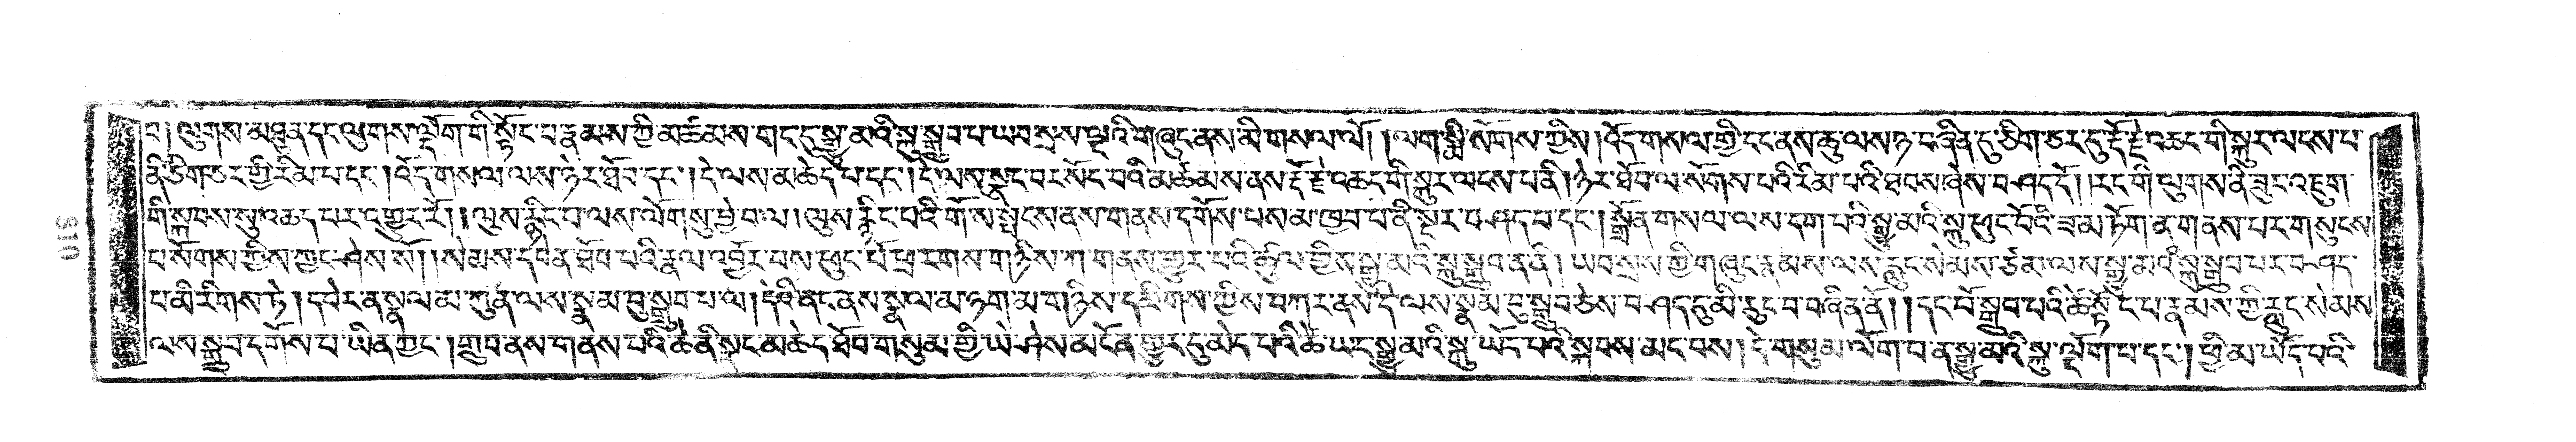པ། ལུགས་མཐུན་དང་ལུགས་ལྡོག་གི་སྟོང་པ་རྣམས་ཀྱི་མཚམས་གང་དུ་སྒྱུ་མའི་སྐུ་སྒྲུབ་པ་ཡབ་སྲས་ལྔའི་གཞུང་ནས་མི་གསལ་ལོ། །ལག་སྨི་སོགས་ཀྱིས། འོད་གསལ་གྱི་ངང་ནས་ཆུ་ལས་ཉ་བཞིན་དུ་ཅིག་ཅར་དུ་རྡོ་རྗེ་འཆང་གི་སྐུར་ལངས་པ་
ནི་ཅིག་ཅར་གྱི་རིམ་པ་དང་། འོད་གསལ་ལས་ཉེར་ཐོབ་དང་། དེ་ལས་མཆེད་པ་དང་། དེ་ལས་སྣང་བར་སོང་བའི་མཚམས་ནས་རྡོ་རྗེ་འཆང་གི་སྐུར་ལངས་པ་ནི། ཉེར་ཐོབ་ལ་སོགས་པའི་རིམ་པའི་ཐབས་ཞེས་བཤད་དོ། །རང་གི་ལུགས་ནི་ཟུང་འཇུ་
གི་སྐབས་སུ་འཆད་པར་འགྱུར་རོ། །ལུས་རྙིང་པ་ལས་ལོགས་སུ་བྱ་བ་ལ། ལུས་རྙིང་བའི་གོ་ས་སྤངས་ནས་གནས་དགོས་བས་མ་ཁྱབ་པ་ནི་སྔར་བཤད་པ་དང་། སྒྲོན་གསལ་ལས་དག་པའི་སྒྱུ་མའི་སྐུ་ཕུང་པོའི་ཟ་མ་ཏོག་ན་གནས་པར་གསུངས་
པ་སོགས་ཀྱིས་ཀྱང་ཤེས་སོ། །སེམས་དབེན་ཐོབ་པའི་རྣལ་འབྱོར་བས་ཕུང་པོ་ཕྲ་རགས་གཉིས་ཀ་གནས་གྱུར་བའི་ཚུལ་གྱིས་སྒྱུ་མའི་སྐུ་སྒྲུབ་ན་ནི། ཡབ་སྲས་ཀྱི་གཞུང་རྣམས་ལས་རླུང་སེམས་ཙམ་ལས་སྒྱུ་མའི་སྐུ་སྒྲུབ་པར་བཤད་
པ་མི་རིགས་ཏེ། དཔེར་ན་སྣལ་མ་ཀུན་ལས་སྣམ་བུ་སྒྲུབ་པ་ལ། དེའི་ནང་ནས་སྣལ་མ་ཉག་མ་གཉིས་དམིགས་ཀྱིས་བཀར་ནས་དེ་ལས་སྣམ་བུ་སྒྲུབ་ཅེས་བཤད་དུ་མི་རུང་བ་བཞིན་ནོ། །དང་པོ་སྒྲུབ་པའི་ཚེ་སྟོང་པ་རྣམས་ཀྱི་རླུང་སེམས་
ལས་སྒྲུབ་དགོས་པ་ཡིན་ཀྱང་། གྲུབ་ནས་གནས་པའི་ཚེ་ནི་སྣང་མཆེད་ཐོབ་གསུམ་གྱི་ཡེ་ཤེས་མངོན་གྱུར་དུ་མེད་པའི་ཚེ་ཡང་སྒྱུ་མའི་སྐུ་ཡོད་པའི་སྐབས་མང་བས། དེ་གསུམ་ལོག་པ་ན་སྒྱུ་མའི་སྐུ་ལྡོག་པ་དང་། ཕྱི་མ་ཡོད་པའི་